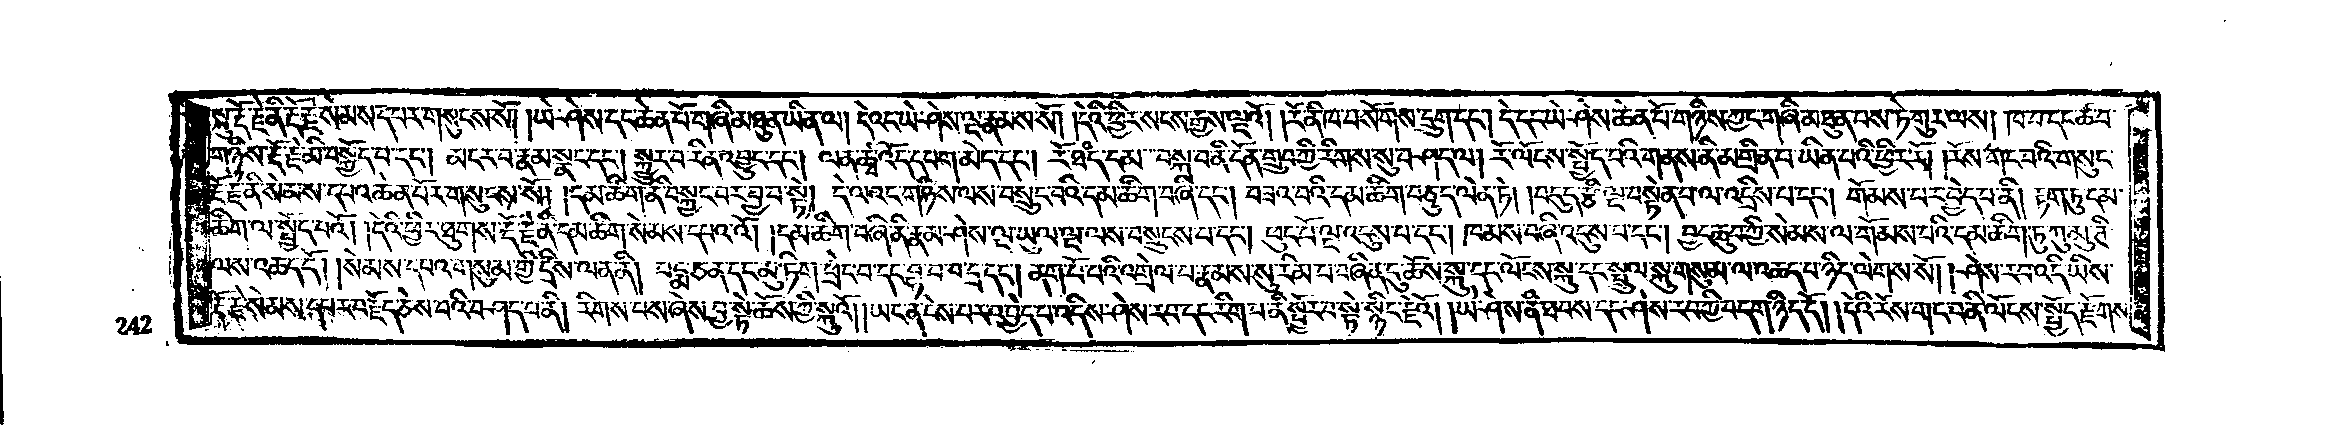སྐུ་རྡོ་རྗེ་ནི་རྡོ་རྗེ་སེམས་དཔར་གསུངས་སོ། །ཡེ་ཤེས་དང་ཆེན་པོ་གཞི་མཐུན་ཡིན་ལ། དེའང་ཡེ་ཤེས་ལྔ་རྣམས་སོ། །དེའི་ཕྱིར་སངས་རྒྱས་ལྔའོ། །རོ་ནི་ཁ་བ་སོགས་དྲུག་དང་། དེ་དང་ཡེ་ཤེས་ཆེན་པོ་གཉིས་ཀྱང་གཞི་མཐུན་པས་ཏེ་གུར་ལས། ཁ་བ་དང་ཚ་བ་
གཉིས་རྡོ་རྗེ་མི་བསྐྱོད་པ་དང་། མངར་བ་རྣམ་སྣང་དང་། སྐྱུར་བ་རིན་འབྱུང་དང་། ལན་ཚྭ་འོད་དཔག་མེད་དང་། རོ་ཐམས་ཅད་དམ་བསྐྲ་བ་ནི་དོན་གྲུབ་ཀྱི་རིགས་སུ་བཤད་ལ། རོ་ལོངས་སྤྱོད་པའི་གནས་ནི་མགྲིན་པ་ཡིན་པའི་ཕྱིར་རོ། །རོས་གང་བའི་གསུང་
རྡོ་རྗེ་ནི་སེམས་དཔའ་ཆེན་པོར་གསུངས་སོ། །དམ་ཚིག་ནི་བསྐྱང་བར་བྱ་བ་སྟེ། དེ་ལའང་གཉིས་ལས་བསྲུང་བའི་དམ་ཚིག་བཞི་དང་། བཟའ་བའི་དམ་ཚིག་བཅུད་ལེན་ཏེ། །བདུད་རྩི་ལྔ་བསྟེན་པ་ལ་འདྲིས་པ་དང་། གོམས་པར་བྱེད་པ་ནི། རྟག་ཏུ་དམ་
ཚིག་ལ་སྤྱོད་པའོ། །དེའི་ཕྱིར་ཐུགས་རྡོ་རྗེ་ནི་དམ་ཚིག་སེམས་དཔའ་འོ། །དམ་ཚིག་བཞི་ནི་རྣམ་ཤེས་ལྔ་ཡུལ་ལྔ་ལས་བསྲུངས་པ་དང་། ཕུང་པོ་ལྔ་འདུས་པ་དང་། ཁམས་བཞི་འདུས་པ་དང་། བྱང་ཆུབ་ཀྱི་སེམས་ལ་གོམས་པའི་དམ་ཚིག་ཏུ་ཀུ་མུ་ཊི་
ལས་འཆད་དོ། །སེམས་དཔའ་གསུམ་གྱི་དྲིས་ལན་ནི། པདམ་ཅན་དང་མུ་ཏིག་ཕྲེང་བ་དང་བྷ་བ་བ་དྲ་དང་། ནག་པོ་པའི་འགྲེལ་པ་རྣམས་སུ་རིམ་པ་བཞིན་དུ་ཆོས་སྐུ་དང་ལོངས་སྐུ་དང་སྤྲུལ་སྐུ་གསུམ་ལ་འཆད་པ་ཉིད་ལེགས་སོ། །ཤེས་རབ་འདི་ཡིས་
རྡོ་རྗེ་སེམས་དཔར་བརྗོད་ཅེས་པའི་བཤད་པ་ནི། རིགས་པས་ཞེས་བྱ་སྟེ་ཆོས་ཀྱི་སྐུའོ། །ཡང་ན་ངེས་པར་འབྱེད་པ་འདིས་ཤེས་རབ་དང་རིག་པ་ནི་སྦྱོར་བ་སྟེ་སྙིང་རྗེའོ། །ཡེ་ཤེས་ནི་ཐབས་དང་ཤེས་རབ་ཀྱི་བདག་ཉིད་དོ། །དེའི་རོས་གང་བ་ནི་ལོངས་སྤྱོད་རྫོགས་